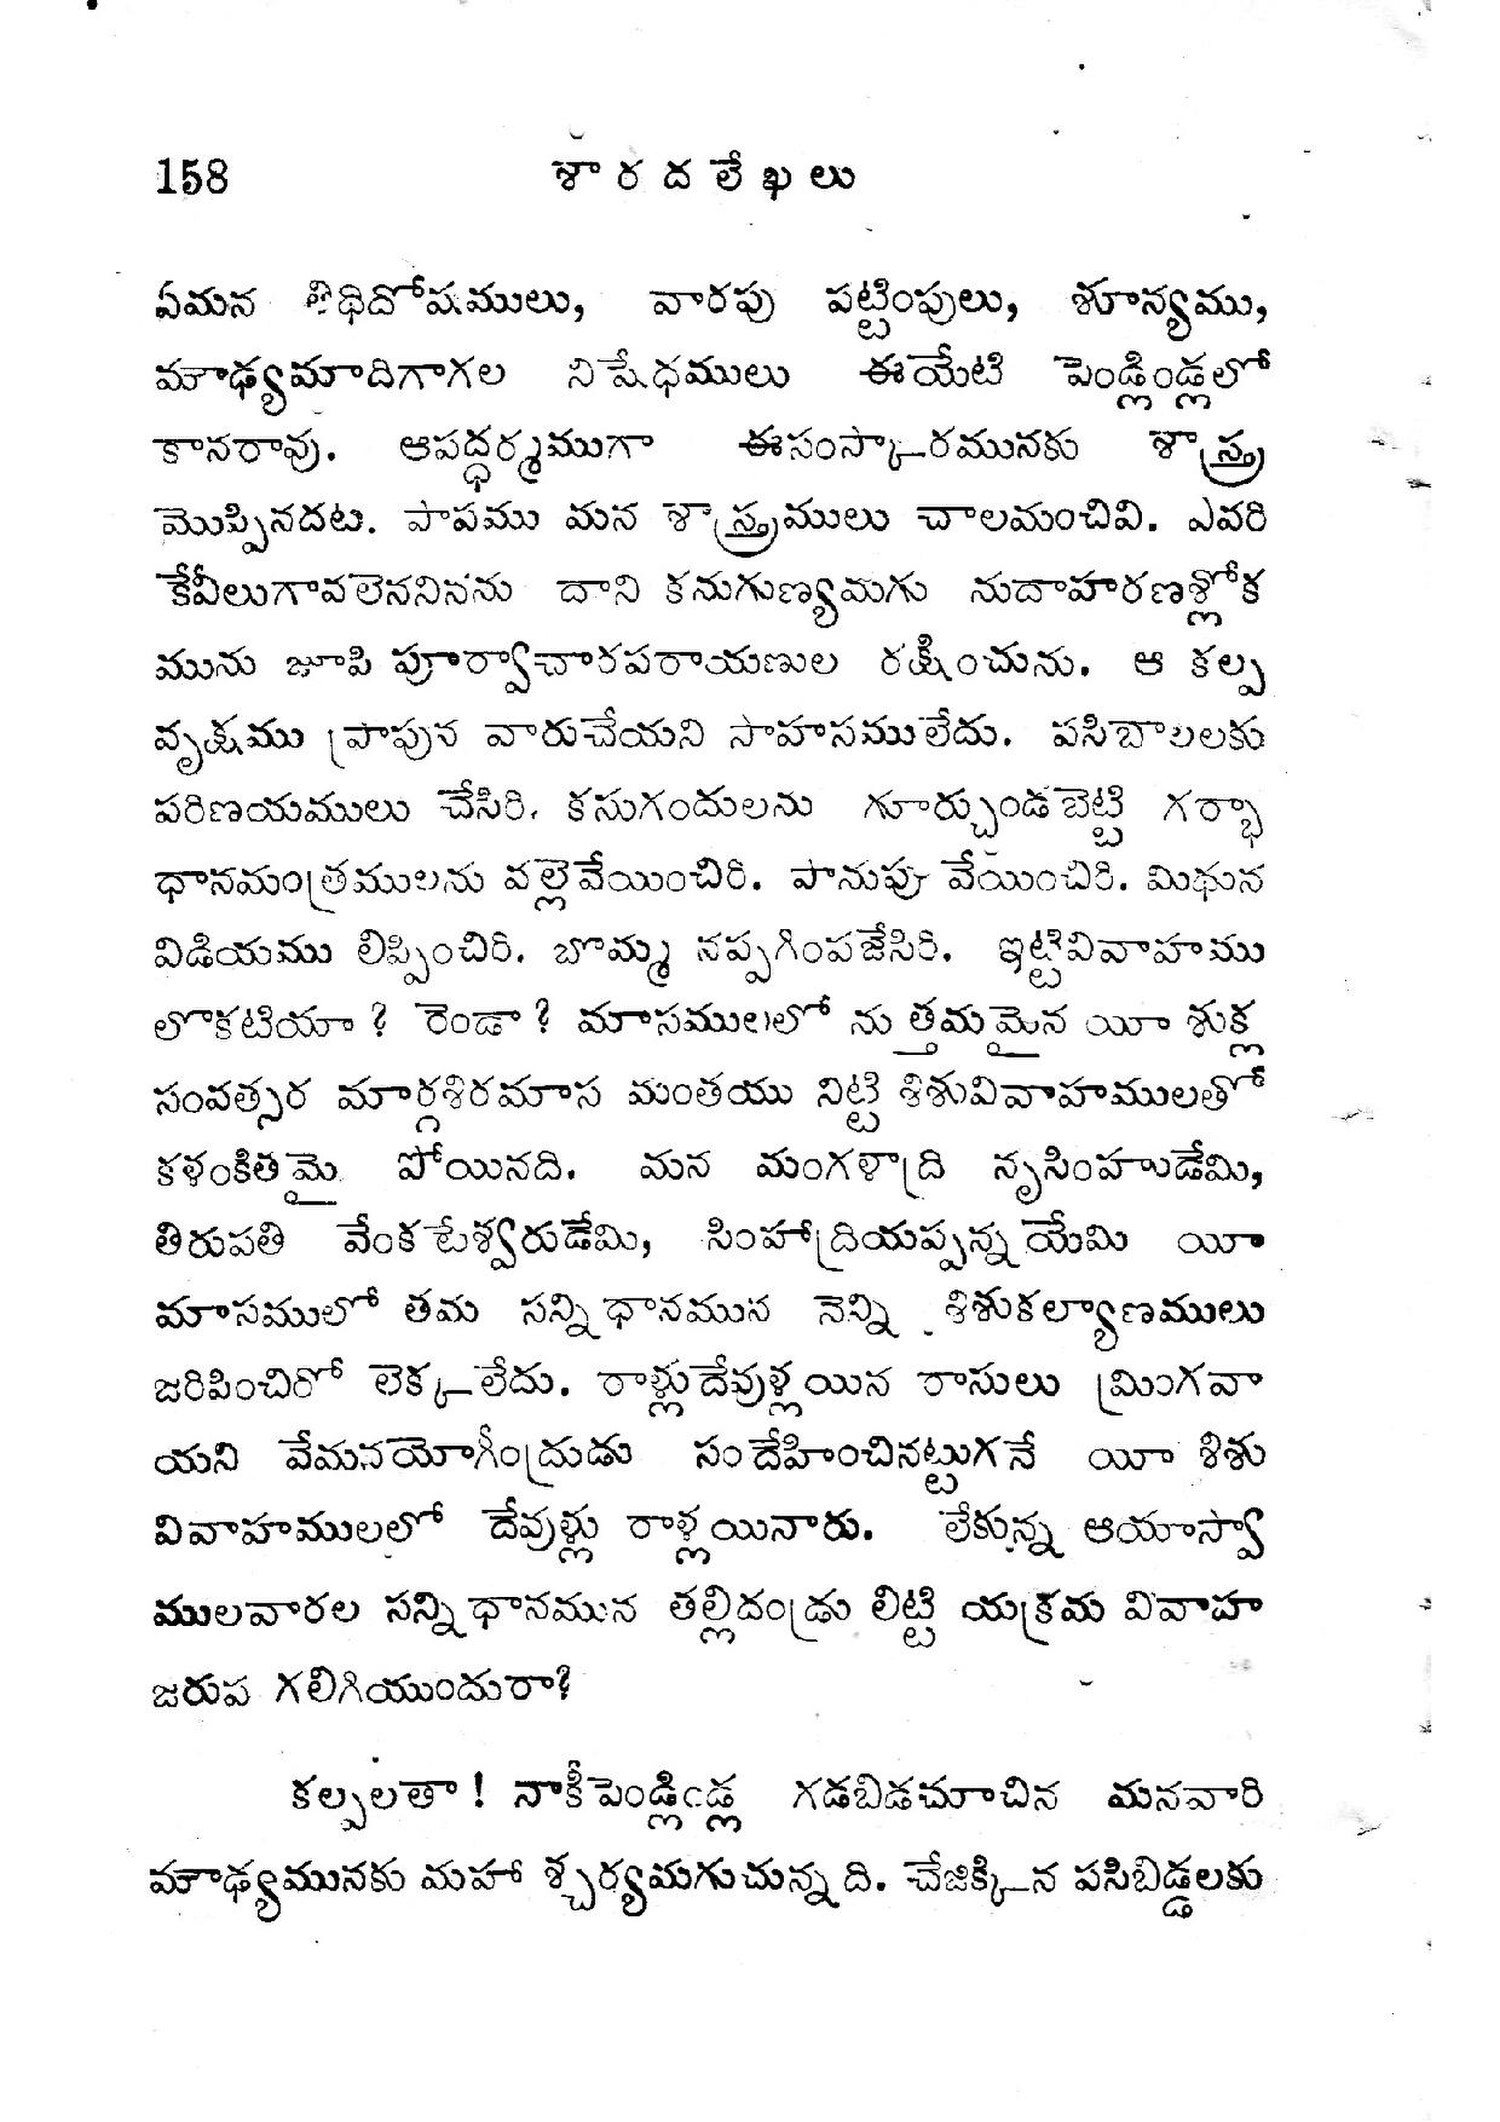ఏమన తిథిదోషములు, వారపు పట్టింపులు, శూన్యము, మౌఢ్యమాదిగాగల నిషేధములు ఈయేటి పెండ్లిండ్లలో కానరావు. ఆపద్ధర్మముగా ఈసంస్కారమునకు శాస్త్ర మొప్పినదట. పాపము మన శాస్త్రములు చాలమంచివి. ఎవరికేవీలుగావలెననినను దాని కనుగుణ్యమగు నుదాహరణశ్లోకమును జూపి పూర్వాచారపరాయణుల రక్షించును. ఆ కల్పవృక్షము ప్రాపున వారుచేయని సాహసములేదు. పసిబాలలకు
పరిణయములు చేసిరి. కసుగందులను గూర్చుండబెట్టి గర్భాధానమంత్రములను వల్లెవేయించిరి. పానుపు వేయించిరి. మిథున విడియము లిప్పించిరి. బొమ్మ నప్పగింపజేసిరి. ఇట్టివివాహము లొకటియా? రెండా ? మాసములలో నుత్తమమైన యీ శుక్లసంవత్సర మార్గశిరమాస మంతయు నిట్టి శిశువివాహములతో
కళంకితమై పోయినది. మన మంగళాద్రి నృసింహుడేమి, తిరుపతి వేంకటేశ్వరుడేమి, సింహాద్రియప్పన్న యేమి యీ మాసములో తమ సన్నిధానమున నెన్ని శిశుకల్యాణములు జరిపించిరో లెక్కలేదు. రాళ్లుదేవుళ్లయిన రాసులు మ్రింగవాయని వేమనయోగీంద్రుడు సందేహించినట్టుగనే యీ శిశువివాహములలో దేవుళ్లు రాళ్లయినారు. లేకున్న ఆయాస్వాములవారల సన్నిధానమున తల్లిదండ్రు లిట్టి యక్రమ వివాహ
జరుప గలిగియుందురా?

కల్పలతా ! నాకీపెండ్లిండ్ల గడబిడచూచిన మనవారి మౌఢ్యమునకు మహాశ్చర్యమగుచున్నది. చేజిక్కిన పసిబిడ్డలకు